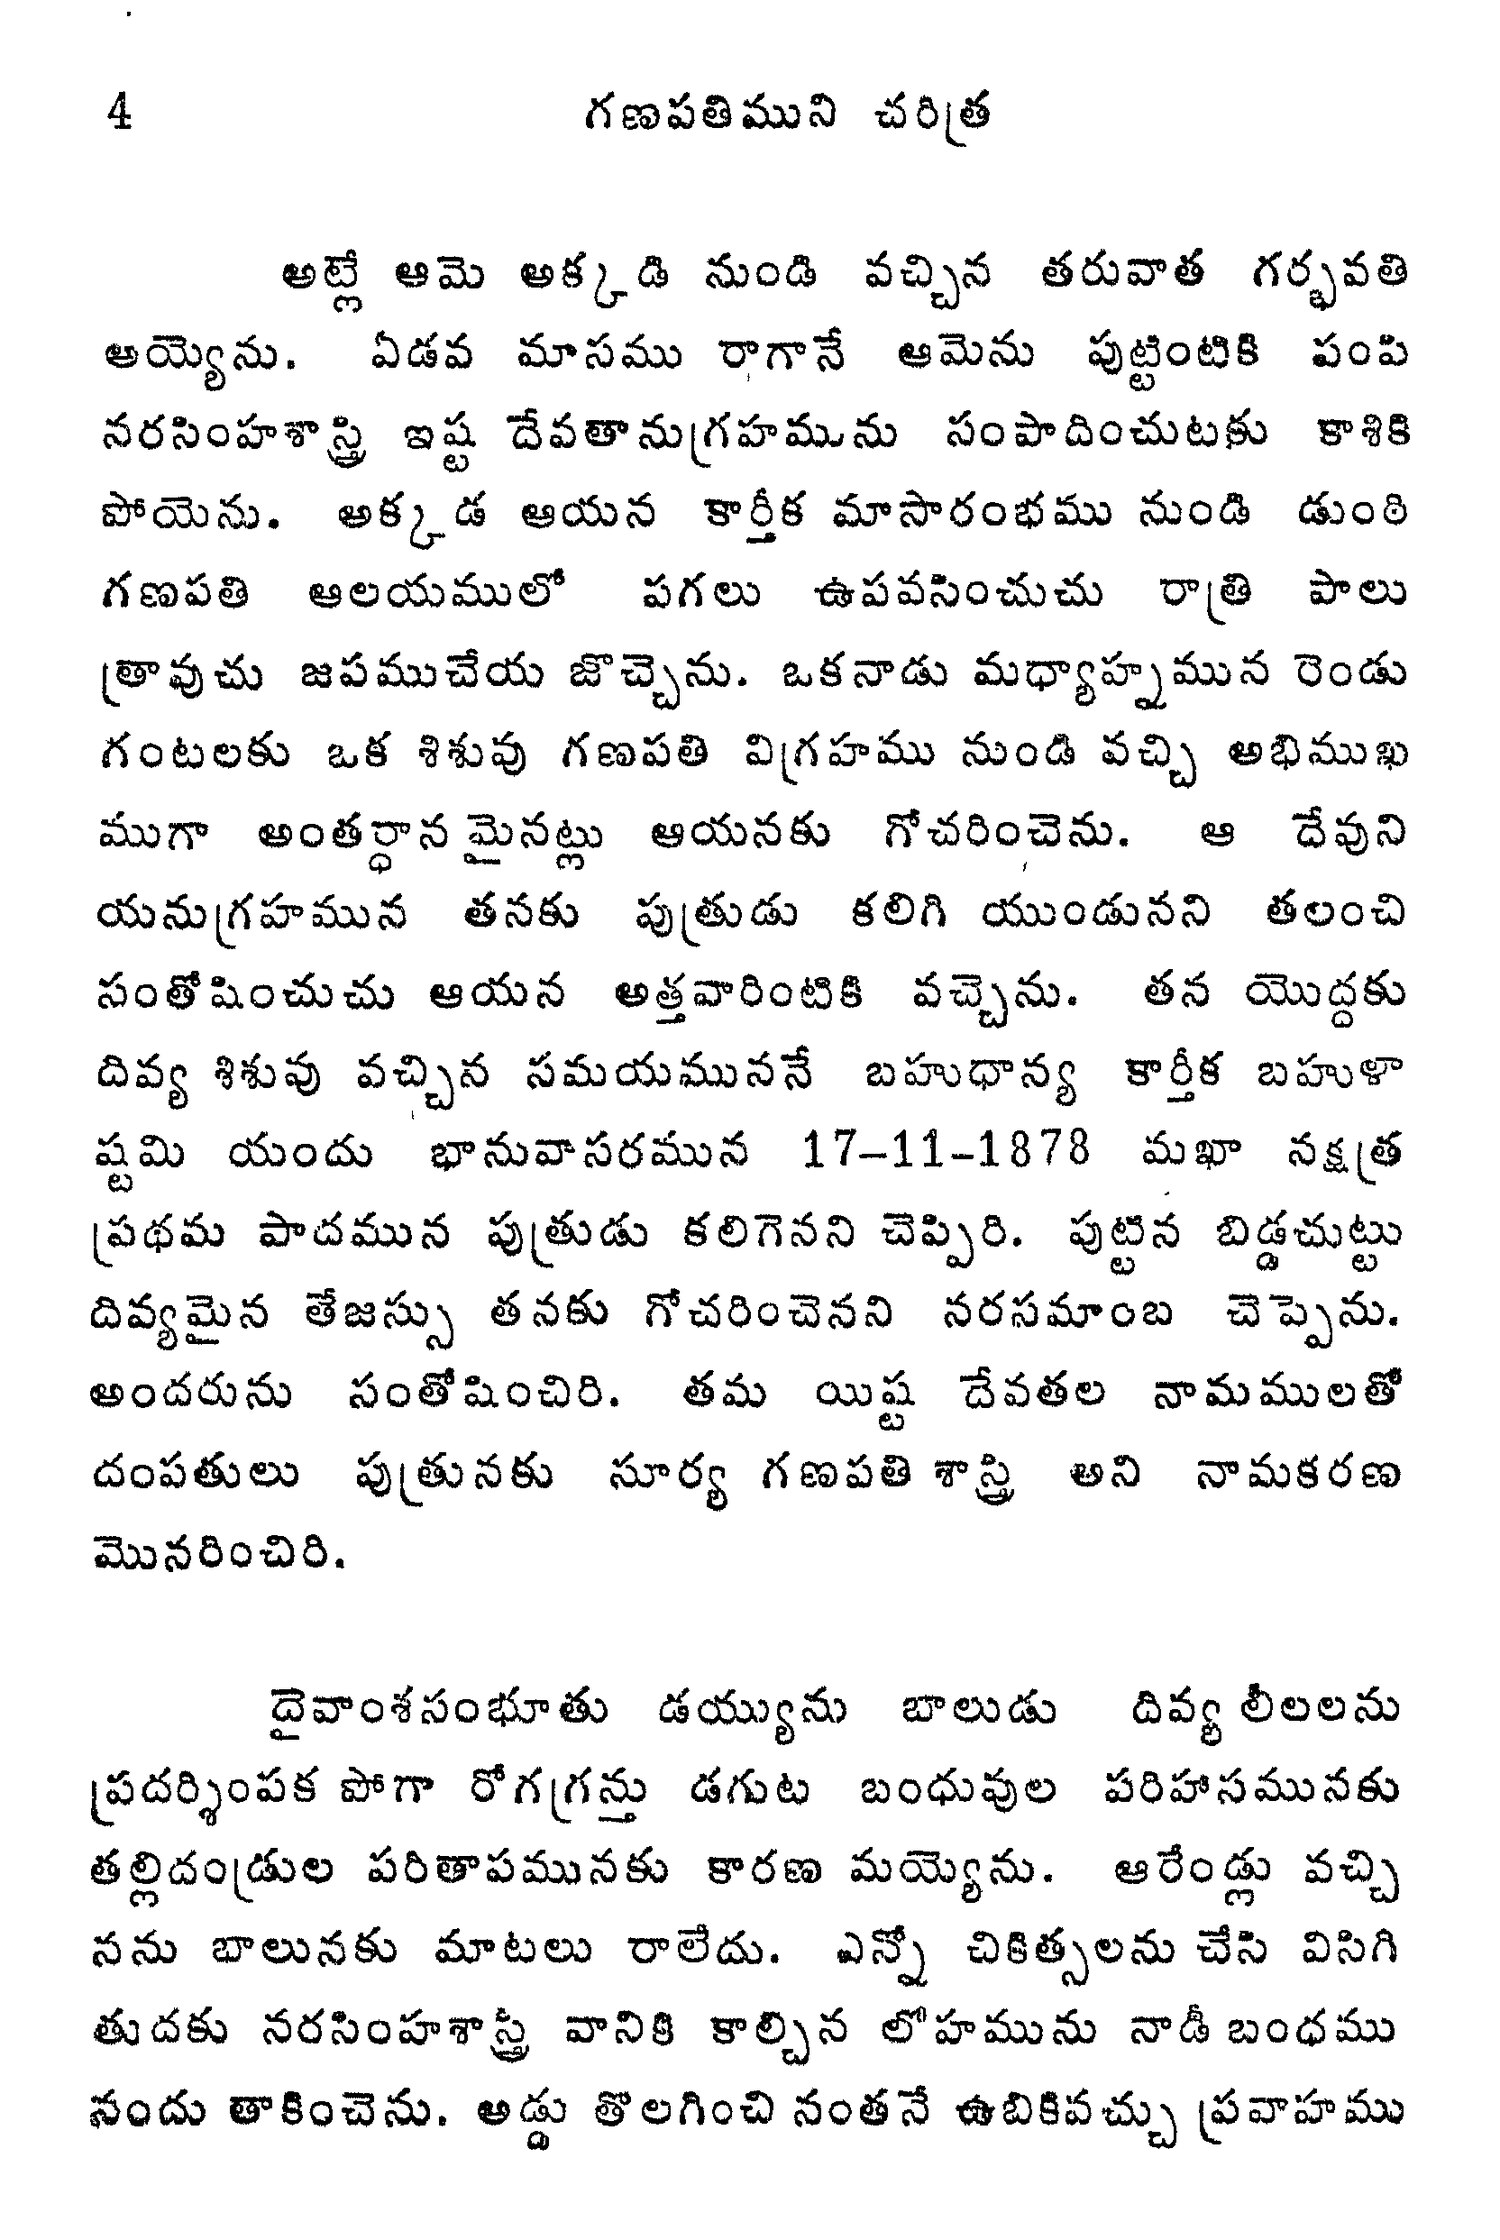అట్లే ఆమె అక్కడి నుండి వచ్చిన తరువాత గర్భవతి అయ్యెను. ఏడవ మాసము రాగానే ఆమెను పుట్టింటికి పంపి నరసింహశాస్త్రి ఇష్ట దేవతానుగ్రహమును సంపాదించుటకు కాశికి పోయెను. అక్కడ ఆయన కార్తీక మాసారంభము నుండి డుంఠి గణపతి ఆలయములో పగలు ఉపవసించుచు రాత్రి పాలు త్రావుచు జపముచేయ జొచ్చెను. ఒకనాడు మధ్యాహ్నమున రెండు గంటలకు ఒక శిశువు గణపతి విగ్రహము నుండి వచ్చి అభిముఖముగా అంతర్ధానమైనట్లు ఆయనకు గోచరించెను. ఆ దేవుని యనుగ్రహమున తనకు పుత్రుడు కలిగి యుండునని తలంచి సంతోషించుచు ఆయన అత్తవారింటికి వచ్చెను. తన యొద్దకు దివ్యశిశువు వచ్చిన సమయముననే బహుధాన్య కార్తీక బహుళాష్టమి యందు భానువాసరమున 17 - 11- 1878 మఖా నక్షత్ర ప్రథమ పాదమున పుత్రుడు కలిగెనని చెప్పిరి. పుట్టిన బిడ్డచుట్టు దివ్యమైన తేజస్సు తనకు గోచరించెనని నరసమాంబ చెప్పెను. అందరును సంతోషించిరి. తమ యిష్ట దేవతల నామములతో దంపతులు పుత్రునకు సూర్య గణపతి శాస్త్రి అని నామకరణ మొనరించిరి.

దైవాంశసంభూతు డయ్యును బాలుడు దివ్య లీలలను ప్రదర్శింపక పోగా రోగగ్రస్తు డగుట బంధువుల పరిహాసమునకు తల్లిదండ్రుల పరితాపమునకు కారణ మయ్యెను. ఆరేండ్లు వచ్చినను బాలునకు మాటలు రాలేదు. ఎన్నో చికిత్సలను చేసి విసిగి తుదకు నరసింహశాస్త్రి వానికి కాల్చిన లోహమును నాడీ బంధము నందు తాకించెను. అడ్డు తొలగించి నంతనే ఉబికివచ్చు ప్రవాహము